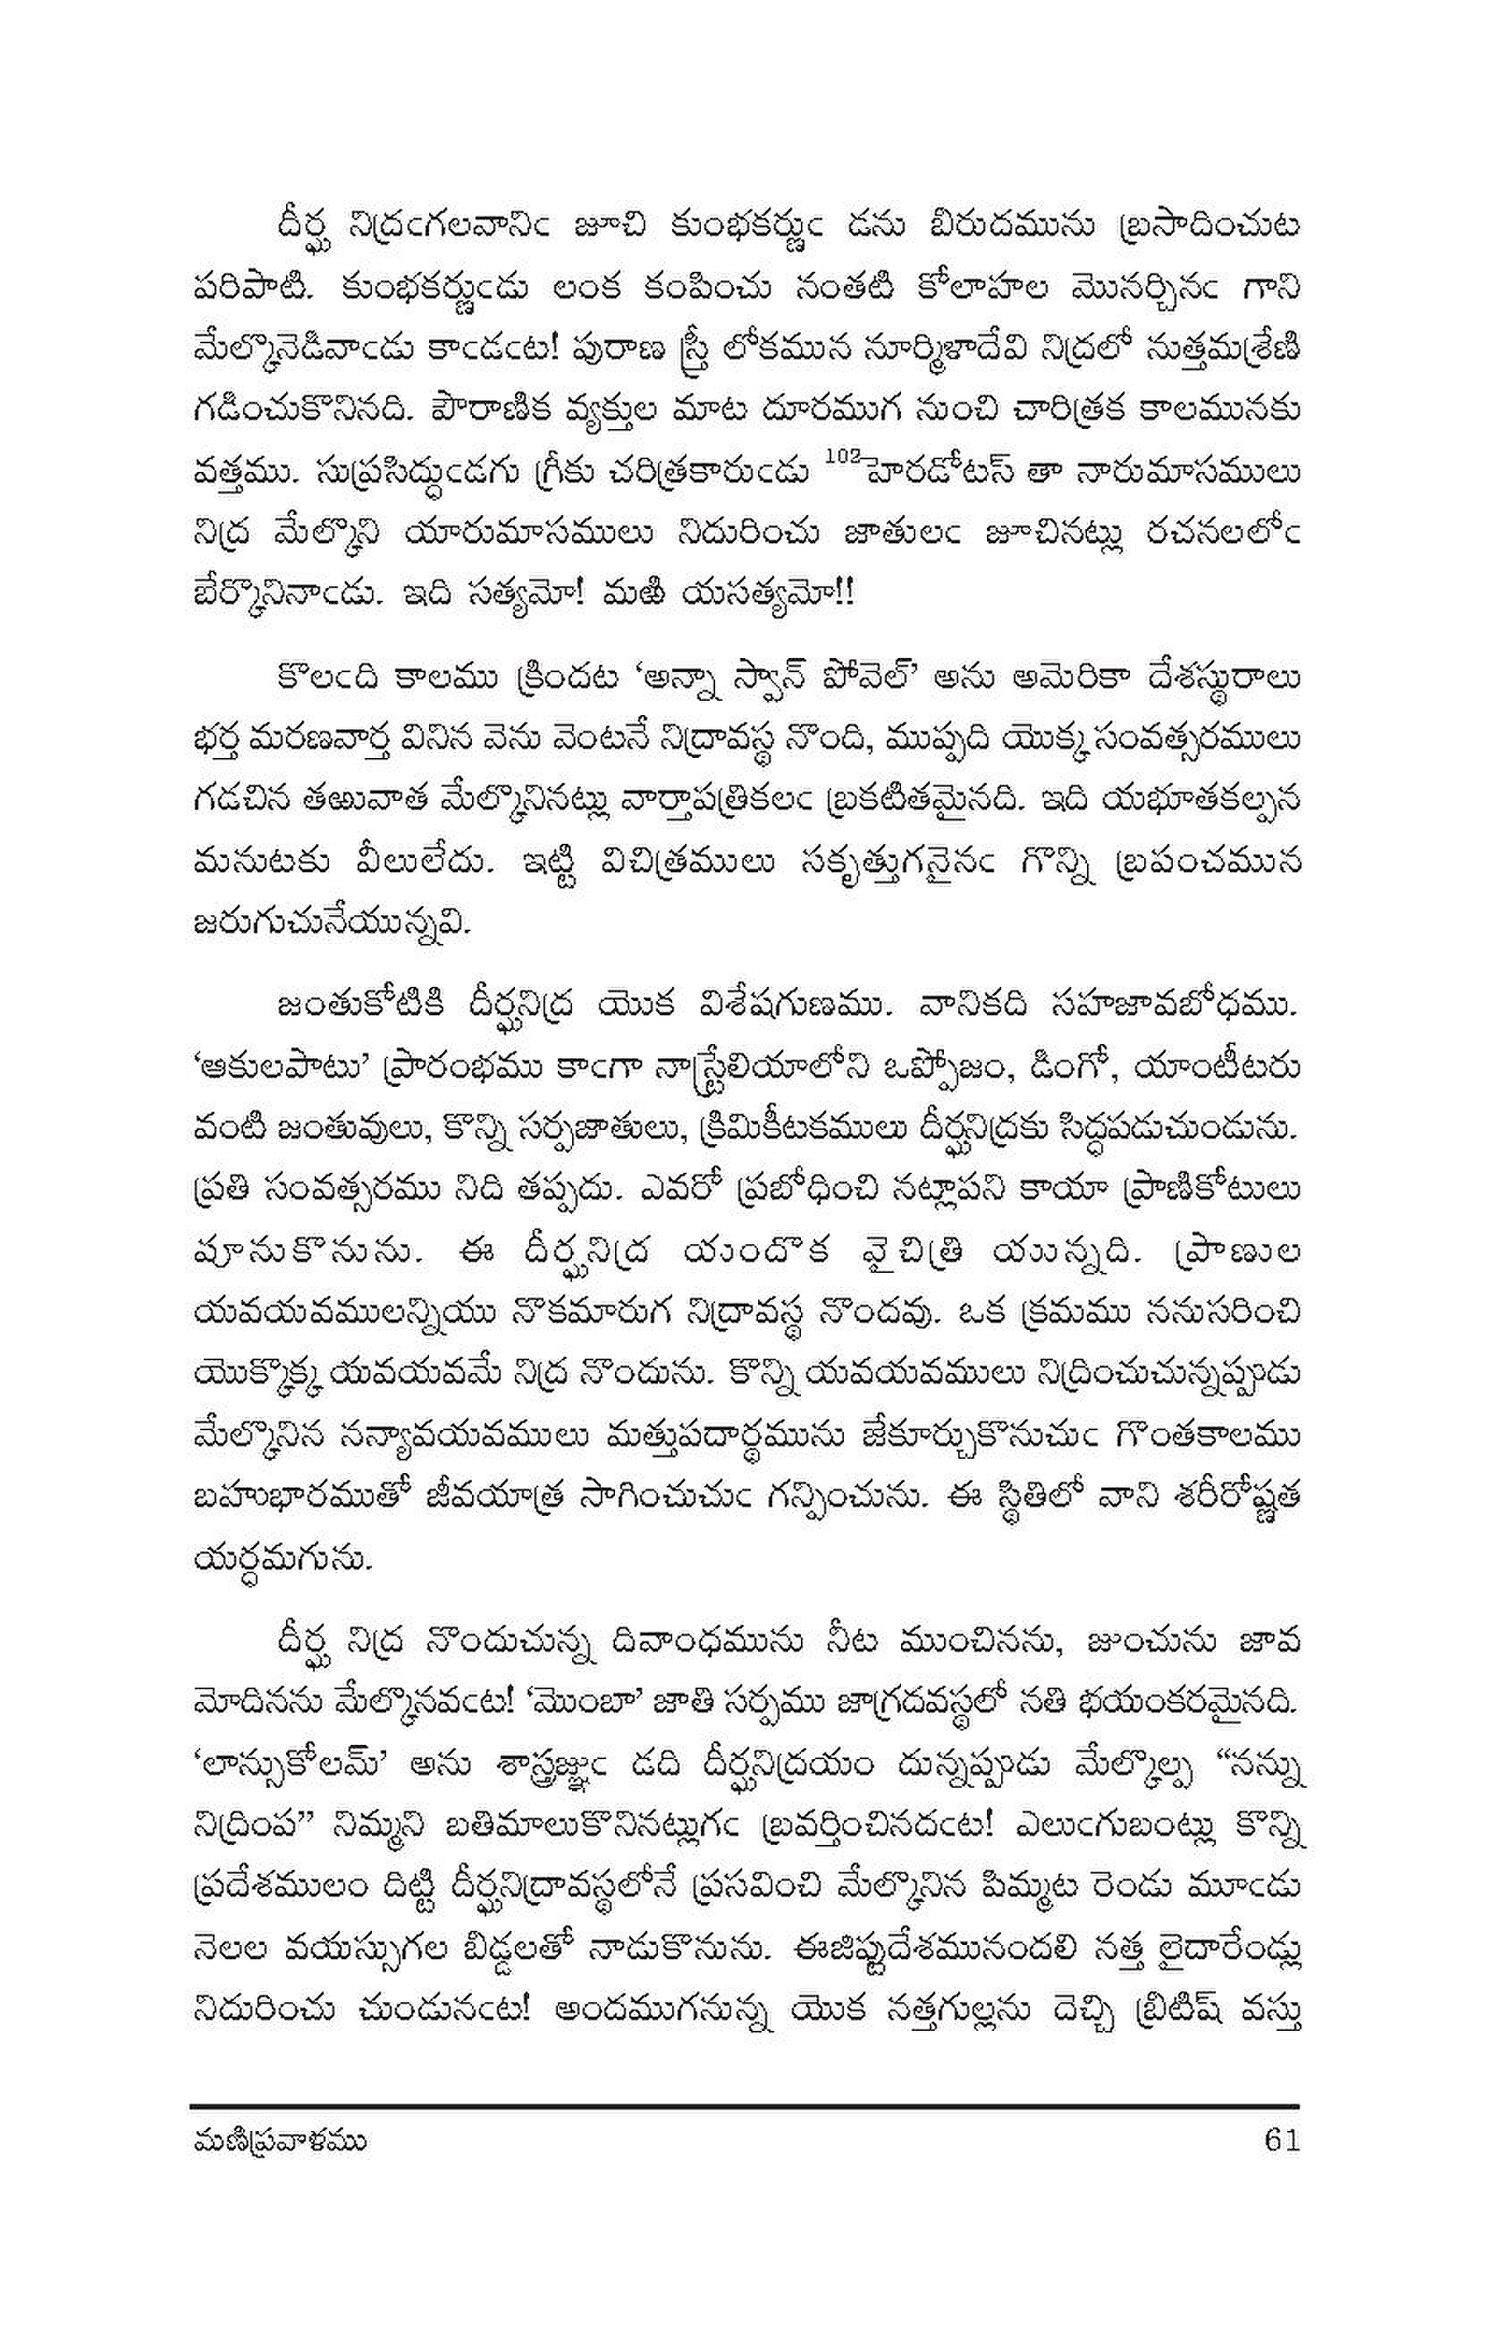దీర్ఘ నిద్రఁగలవానిఁ జూచి కుంభకర్ణుఁ డను బిరుదమును బ్రసాదించుట
పరిపాటి. కుంభకర్ణుఁడు లంక కంపించు నంతటి కోలాహల మొనర్చినఁ గాని
మేల్కొనెడివాఁడు కాఁడఁట! పురాణ స్త్రీ లోకమున నూర్మిళాదేవి నిద్రలో నుత్తమశ్రేణి
గడించుకొనినది. పౌరాణిక వ్యక్తుల మాట దూరముగ నుంచి చారిత్రక కాలమునకు
వత్తము. సుప్రసిద్ధుఁడగు గ్రీకు చరిత్రకారుఁడు హెరడోటస్ తా నారుమాసములు
నిద్ర మేల్కొని యారుమాసములు నిదురించు జాతులఁ జూచినట్లు రచనలలోఁ
బేర్కొనినాఁడు. ఇది సత్యమో! మఱి యసత్యమో!!

కొలఁది కాలము క్రిందట 'అన్నా స్వాన్ పోవెల్' అను అమెరికా దేశస్థురాలు
భర్త మరణవార్త వినిన వెను వెంటనే నిద్రావస్థ నొంది, ముప్పది యొక్క సంవత్సరములు
గడచిన తఱువాత మేల్కొనినట్లు వార్తాపత్రికలఁ బ్రకటితమైనది. ఇది యభూతకల్పన
మనుటకు వీలులేదు. ఇట్టి విచిత్రములు సకృత్తుగనైనఁ గొన్ని బ్రపంచమున
జరుగుచునేయున్నవి.

జంతుకోటికి దీర్ఘనిద్ర యొక విశేషగుణము. వానికది సహజావబోధము.
‘ఆకులపాటు’ ప్రారంభము కాఁగా నాస్ట్రేలియాలోని ఒప్పోజం, డింగో, యాంటీటరు
వంటి జంతువులు, కొన్ని సర్పజాతులు, క్రిమికీటకములు దీర్ఘనిద్రకు సిద్ధపడుచుండును.
ప్రతి సంవత్సరము నిది తప్పదు. ఎవరో ప్రబోధించి నట్లాపని కాయా ప్రాణికోటులు
పూనుకొనును. ఈ దీర్ఘనిద్ర యందొక వైచిత్రి యున్నది. ప్రాణుల
యవయవములన్నియు నొకమారుగ నిద్రావస్థ నొందవు. ఒక క్రమము ననుసరించి
యొక్కొక్క యవయవమే నిద్ర నొందును. కొన్ని యవయవములు నిద్రించుచున్నప్పుడు
మేల్కొనిన నన్యావయవములు మత్తుపదార్థమును జేకూర్చుకొనుచుఁ గొంతకాలము
బహుభారముతో జీవయాత్ర సాగించుచుఁ గన్పించును. ఈ స్థితిలో వాని శరీరోష్ణత
యర్థమగును.

దీర్ఘ నిద్ర నొందుచున్న దివాంధమును నీట ముంచినను, జుంచును జావ
మోదినను మేల్కొనవఁట! 'మొంబా' జాతి సర్పము జాగ్రదావస్థలో నతి భయంకరమైనది.
'లాన్సుకోలమ్' అను శాస్త్రజ్ఞుఁ డది దీర్ఘనిద్రయం దున్నప్పుడు మేల్కొల్ప "నన్ను
నిద్రింప" నిమ్మని బతిమాలుకొనినట్లుగఁ బ్రవర్తించినదఁట! ఎలుఁగుబంట్లు కొన్ని
ప్రదేశములం దిట్టి దీర్ఘనిద్రావస్థలోనే ప్రసవించి మేల్కొనిన పిమ్మట రెండు మూఁడు
నెలల వయస్సుగల బిడ్డలతో నాడుకొనును. ఈజిప్టుదేశమునందలి నత్త లైదారేండ్లు
నిదురించు చుండునఁట! అందముగనున్న యొక నత్తగుల్లను దెచ్చి బ్రిటిష్ వస్తు